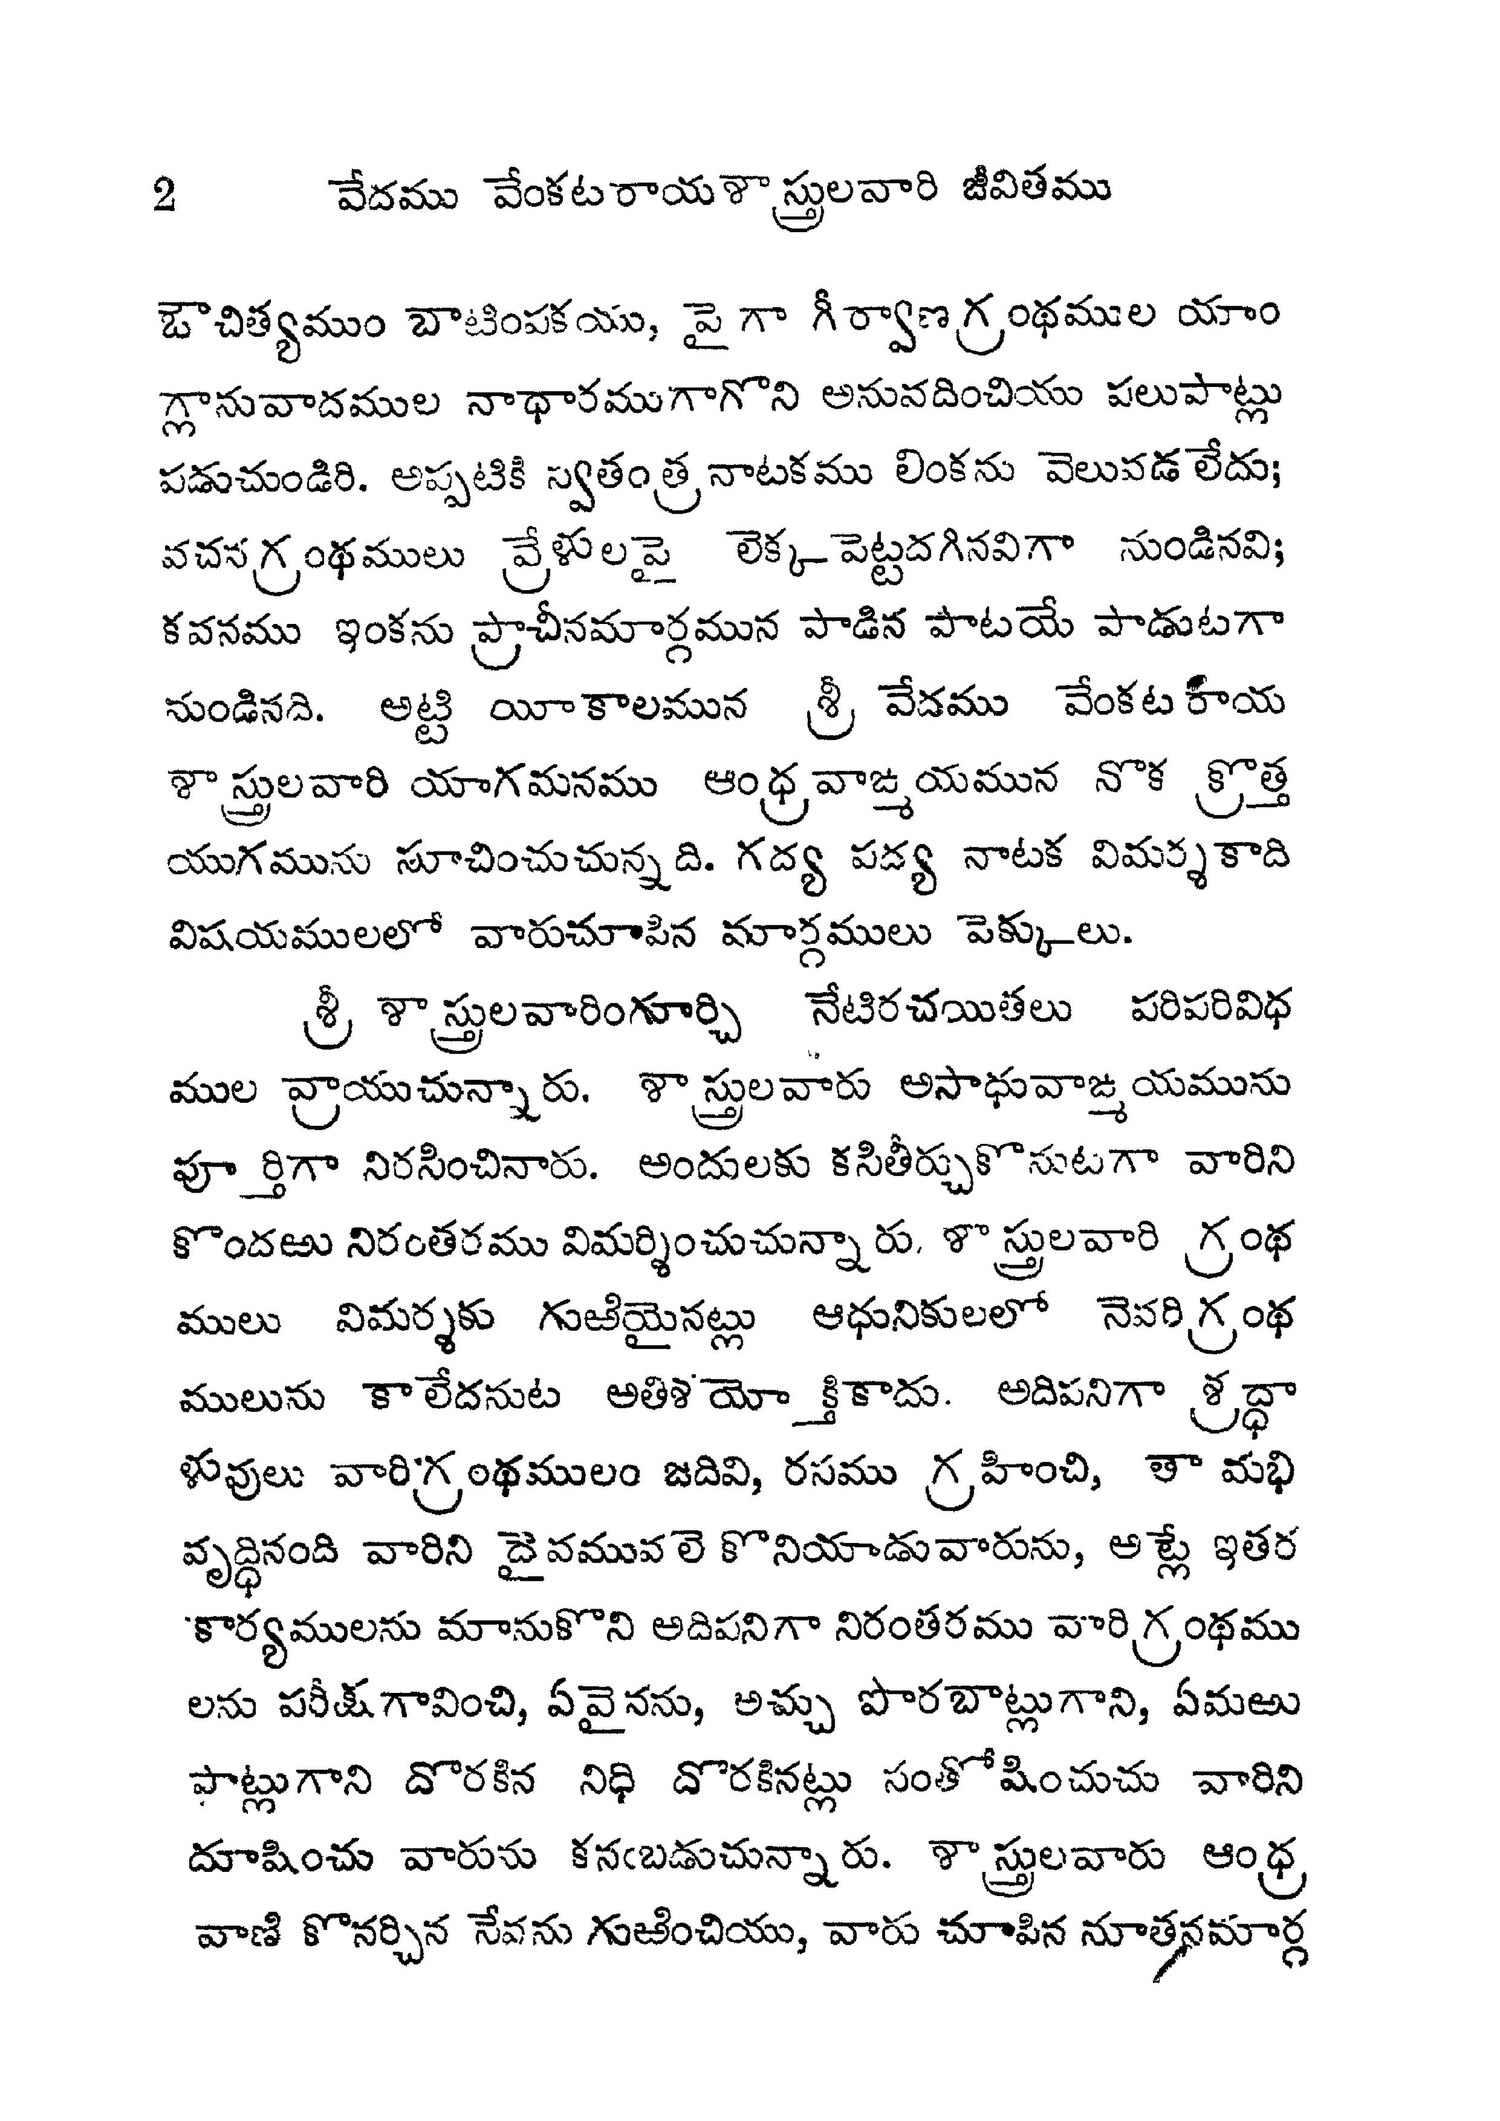ఔచిత్యముం బాటింపకయు, పైగా గీర్వాణగ్రంథముల యాంగ్లానువాదముల నాథారముగాగొని అనువదించియు పలుపాట్లు పడుచుండిరి. అప్పటికి స్వతంత్ర నాటకము లింకను వెలువడ లేదు; వచనగ్రంథములు వ్రేళులపై లెక్కపెట్టదగినవిగా నుండినవి; కవనము ఇంకను ప్రాచీనమార్గమున పాడిన పాటయే పాడుటగా నుండినది. అట్టి యీకలమున శ్రీ వేదము వేంకటరాయశాస్త్రులవారి యాగమనము ఆంధ్రవాఙ్మయమున నొక క్రొత్త యుగమును సూచించుచున్నది. గద్య పద్య నాటక విమర్శకాది విషయములలో వారుచూపిన మార్గములు పెక్కులు.

శ్రీ శాస్త్రులవారింగూర్చి నేటిరచయితలు పరిపరవిధముల వ్రాయుచున్నారు. శాస్త్రులవారు అసాధువాఙ్మయమును పూర్తిగా నిరసించినారు. అందులకు కసితీర్చుకొనుటగా వారిని కొందఱు నిరంతరము విమర్శించుచున్నారు. శాస్త్రులవారి గ్రంథములు విమర్శకు గుఱియైనట్లు ఆధునికులలో నెవరి గ్రంథములును కాలేదనుట అతిశయోక్తికాదు. అదిపనిగా శ్రద్ధాళువులు వారిగ్రంథములం జదివి, రసము గ్రహించి, తా మభివృద్ధినంది వారిని దైవమువలె కొనియాడువారును, అట్లే ఇతర కార్యములను మానుకొని అదిపనిగా నిరంతరము వారిగ్రంథములను పరీక్షగావించి, ఏవైనను, అచ్చు పొరబాట్లుగాని, ఏమఱుపాట్లుగాని దొరకిన నిధి దొరకినట్లు సంతోషించుచు వారిని దూషించు వారును కనబడుచున్నారు. శాస్త్రులవారు ఆంధ్రవాణి కొనర్చిన సేవను గుఱించియు, వారు, చూపిన నూతనమార్గ